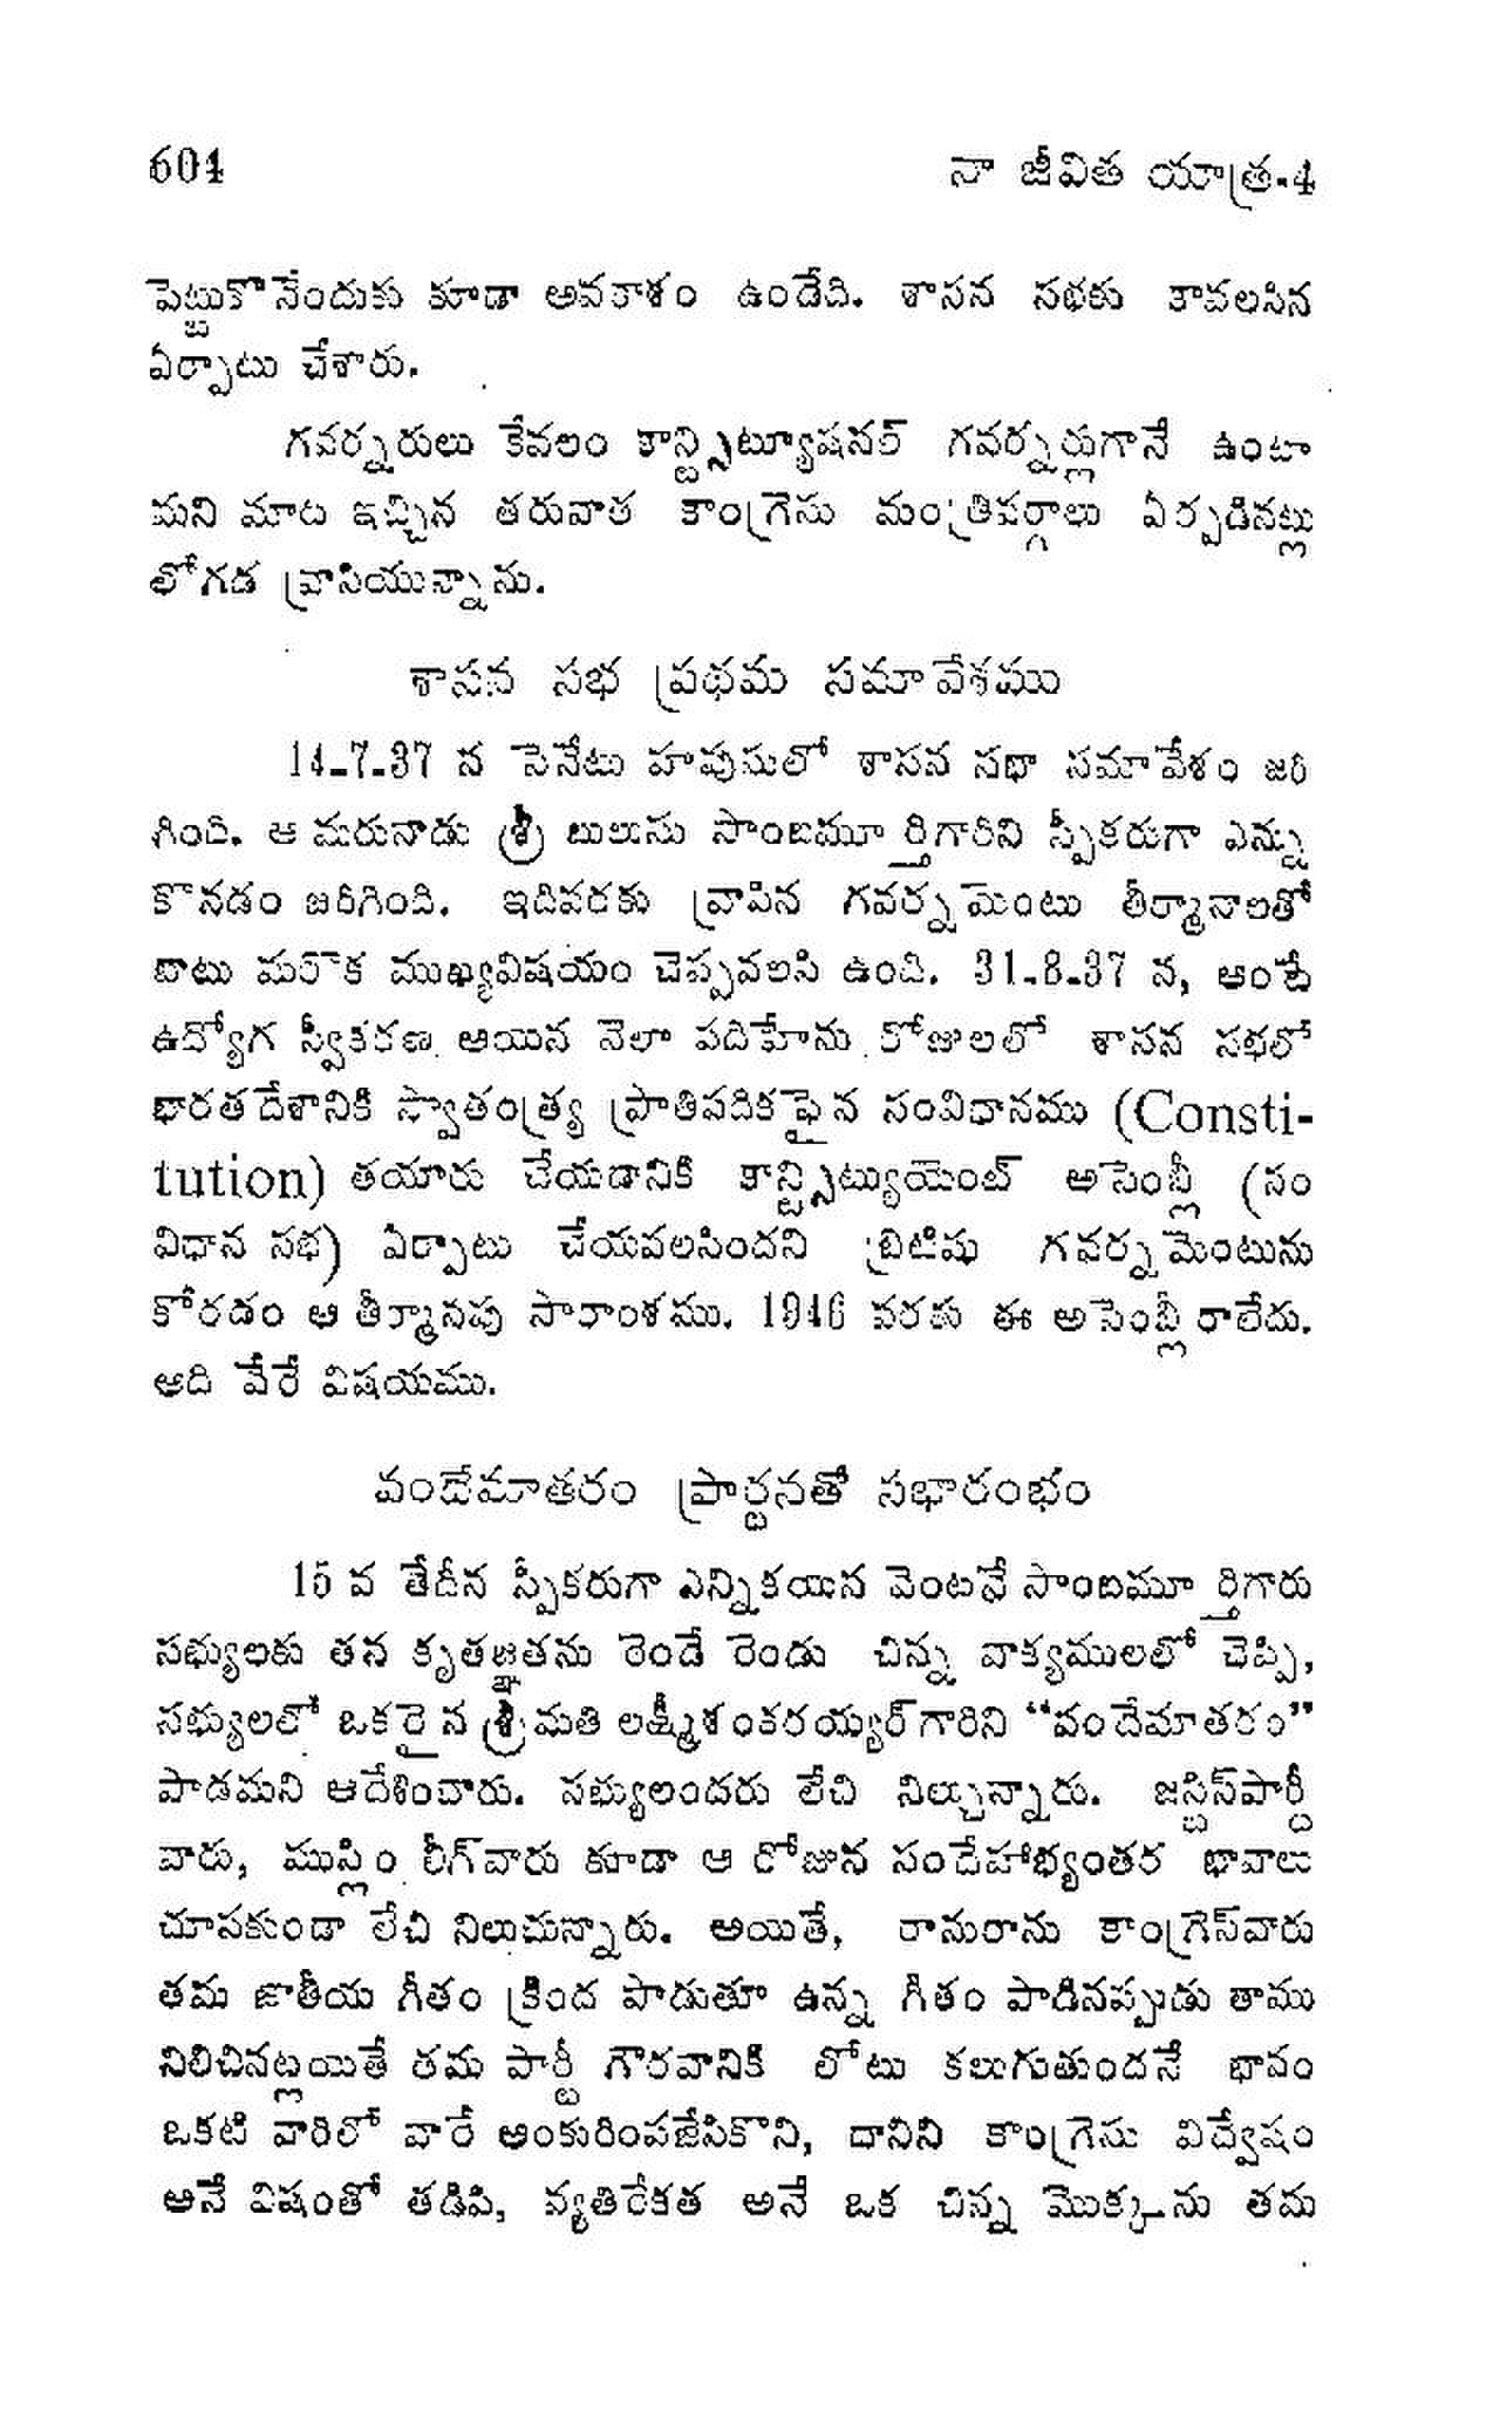పెట్టుకొనేందుకు కూడా అవకాశం ఉండేది. శాసన సభకు కావలసిన ఏర్పాటు చేశారు.

గవర్నరులు కేవలం కాన్ట్సిట్యూషనల్ గవర్నర్లుగానే ఉంటామని మాట ఇచ్చిన తరువాత కాంగ్రెసు మంత్రివర్గాలు ఏర్పడినట్లు లోగడ వ్రాసియున్నాను.

14 - 7 - 37 న సెనేటు హవుసులో శాసన సభా సమావేశం జరిగింది. ఆ మరునాడు శ్రీ బులుసు సాంబమూర్తిగారిని స్పీకరుగా ఎన్నుకొనడం జరిగింది. ఇదివరకు వ్రాసిన గవర్నమెంటు తీర్మానాలతో బాటు మరొక ముఖ్య విషయం చెప్పవలసి ఉంది. 31 - 8 - 37 న, అంటే ఉద్యోగ స్వీకరణ అయిన నెలా పదిహేను రోజులలో శాసన సభలో భారత దేశానికి స్వాతంత్ర్య ప్రాతిపదికపైన సంవిధానము (Constitution) తయారు చేయడానికి కాన్ట్సిట్యుయెంట్ అసెంబ్లీ (సంవిధాన సభ) ఏర్పాటు చేయవలసిందని బ్రిటిషు గవర్నమెంటును కోరడం ఆ తీర్మానపు సారాంశము. 1946 వరకు ఈ అసెంబ్లీ రాలేదు. అది వేరే విషయము.

15 వ తేదీన స్పీకరుగా ఎన్నికయిన వెంటనే సాంబమూర్తిగారు సభ్యులకు తన కృతజ్ఞతను రెండే రెండు చిన్న వాక్యములలో చెప్పి, సభ్యులలో ఒకరైన శ్రీమతి లక్ష్మీశంకరయ్యర్‌గారిని "వందేమాతరం" పాడమని ఆదేశించారు. సభ్యులందరు లేచి నిల్చున్నారు. జస్టిస్‌పార్టీ వారు, ముస్లిం లీగ్‌వారు కూడా ఆ రోజున సందేహాభ్యంతర భావాలు చూపకుండా లేచి నిలుచున్నారు. అయితే, రానురాను కాంగ్రెస్‌వారు తమ జాతీయ గీతం క్రింద పాడుతూ ఉన్న గీతం పాడినప్పుడు తాము నిలిచినట్లయితే తమ పార్టీ గౌరవానికి లోటు కలుగుతుందనే భావం ఒకటి వారిలో వారే అంకురింపజేసికొని, దానిని కాంగ్రెసు విద్వేషం అనే విషంతో తడిపి, వ్యతిరేకత అనే ఒక చిన్న మొక్కను తమ